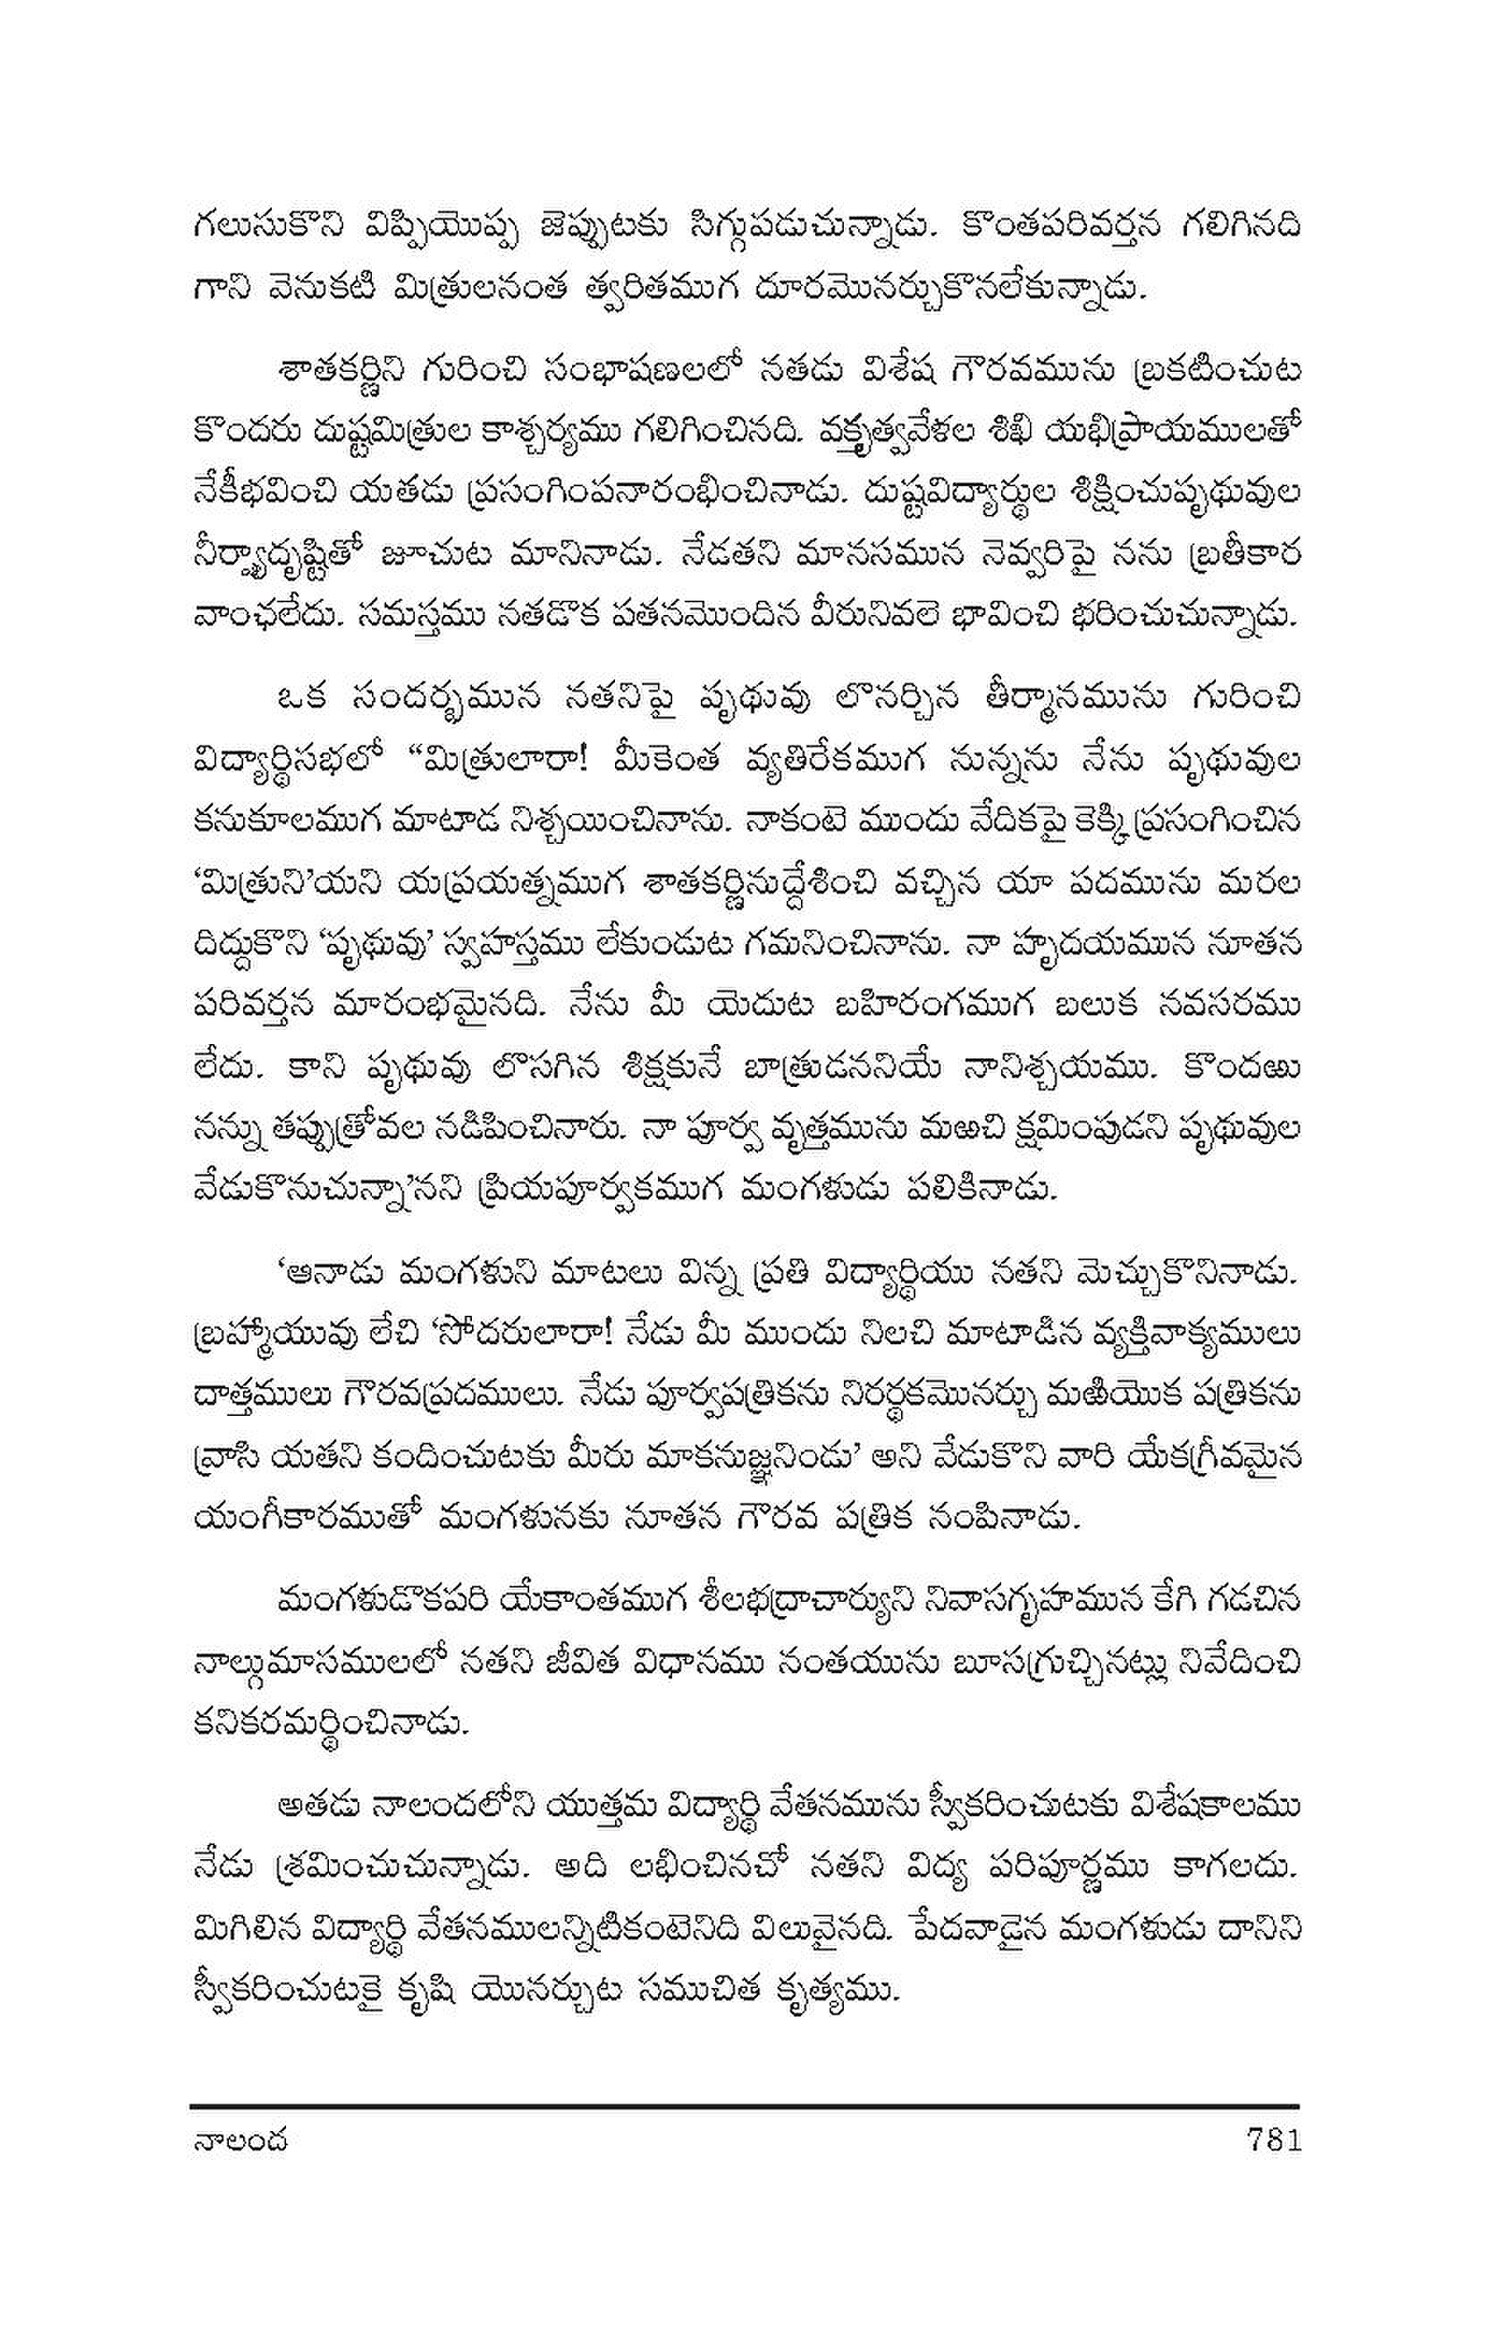గలుసుకొని విప్పియొప్ప జెప్పుటకు సిగ్గుపడుచున్నాడు. కొంతపరివర్తన గలిగినది గాని వెనుకటి మిత్రులనంత త్వరితముగ దూరమొనర్చుకొనలేకున్నాడు.

శాతకర్ణిని గురించి సంభాషణలలో నతడు విశేష గౌరవమును బ్రకటించుట కొందరు దుష్టమిత్రుల కాశ్చర్యము గలిగించినది. వకృత్వవేళల శిఖి యభిప్రాయములతో నేకీభవించి యతడు ప్రసంగింపనారంభించినాడు. దుష్టవిద్యార్థుల శిక్షించుపృథువుల నీర్యాదృష్టితో జూచుట మానినాడు. నేడతని మానసమున నెవ్వరిపై నను బ్రతీకార వాంఛలేదు. సమస్తము నతడొక పతనమొందిన వీరునివలె భావించి భరించుచున్నాడు.

ఒక సందర్భమున నతనిపై పృథువు లొనర్చిన తీర్మానమును గురించి విద్యార్థిసభలో "మిత్రులారా! మీకెంత వ్యతిరేకముగ నున్నను నేను పృథువుల కనుకూలముగ మాటాడ నిశ్చయించినాను. నాకంటే ముందు వేదికపై కెక్కి ప్రసంగించిన 'మిత్రుని’యని యప్రయత్నముగ శాతకర్ణినుద్దేశించి వచ్చిన యా పదమును మరల దిద్దుకొని 'పృథువు' స్వహస్తము లేకుండుట గమనించినాను. నా హృదయమున నూతన పరివర్తన మారంభమైనది. నేను మీ యెదుట బహిరంగముగ బలుక నవసరము లేదు. కాని పృథువు లొసగిన శిక్షకునే బాత్రుడననియే నానిశ్చయము. కొందఱు నన్ను తప్పుత్రోవల నడిపించినారు. నా పూర్వ వృత్తమును మఱచి క్షమింపుడని పృథువుల వేడుకొనుచున్నా'నని ప్రియపూర్వకముగ మంగళుడు పలికినాడు.

'ఆనాడు మంగళుని మాటలు విన్న ప్రతి విద్యార్థియు నతని మెచ్చుకొనినాడు. బ్రహ్మాయువు లేచి 'సోదరులారా! నేడు మీ ముందు నిలచి మాటాడిన వ్యక్తివాక్యములు దాత్తములు గౌరవప్రదములు. నేడు పూర్వపత్రికను నిరర్థకమొనర్చు మఱియొక పత్రికను వ్రాసి యతని కందించుటకు మీరు మాకనుజ్ఞనిండు' అని వేడుకొని వారి యేకగ్రీవమైన యంగీకారముతో మంగళునకు నూతన గౌరవ పత్రిక నంపినాడు.

మంగళుడొకపరి యేకాంతముగ శీలభద్రాచార్యుని నివాసగృహమున కేగి గడచిన నాల్గుమాసములలో నతని జీవిత విధానము నంతయును బూసగ్రుచ్చినట్లు నివేదించి కనికరమర్థించినాడు.

అతడు నాలందలోని యుత్తమ విద్యార్థి వేతనమును స్వీకరించుటకు విశేషకాలము నేడు శ్రమించుచున్నాడు. అది లభించినచో నతని విద్య పరిపూర్ణము కాగలదు. మిగిలిన విద్యార్థి వేతనములన్నిటికంటెనిది విలువైనది. పేదవాడైన మంగళుడు దానిని స్వీకరించుటకై కృషి యొనర్చుట సముచిత కృత్యము.